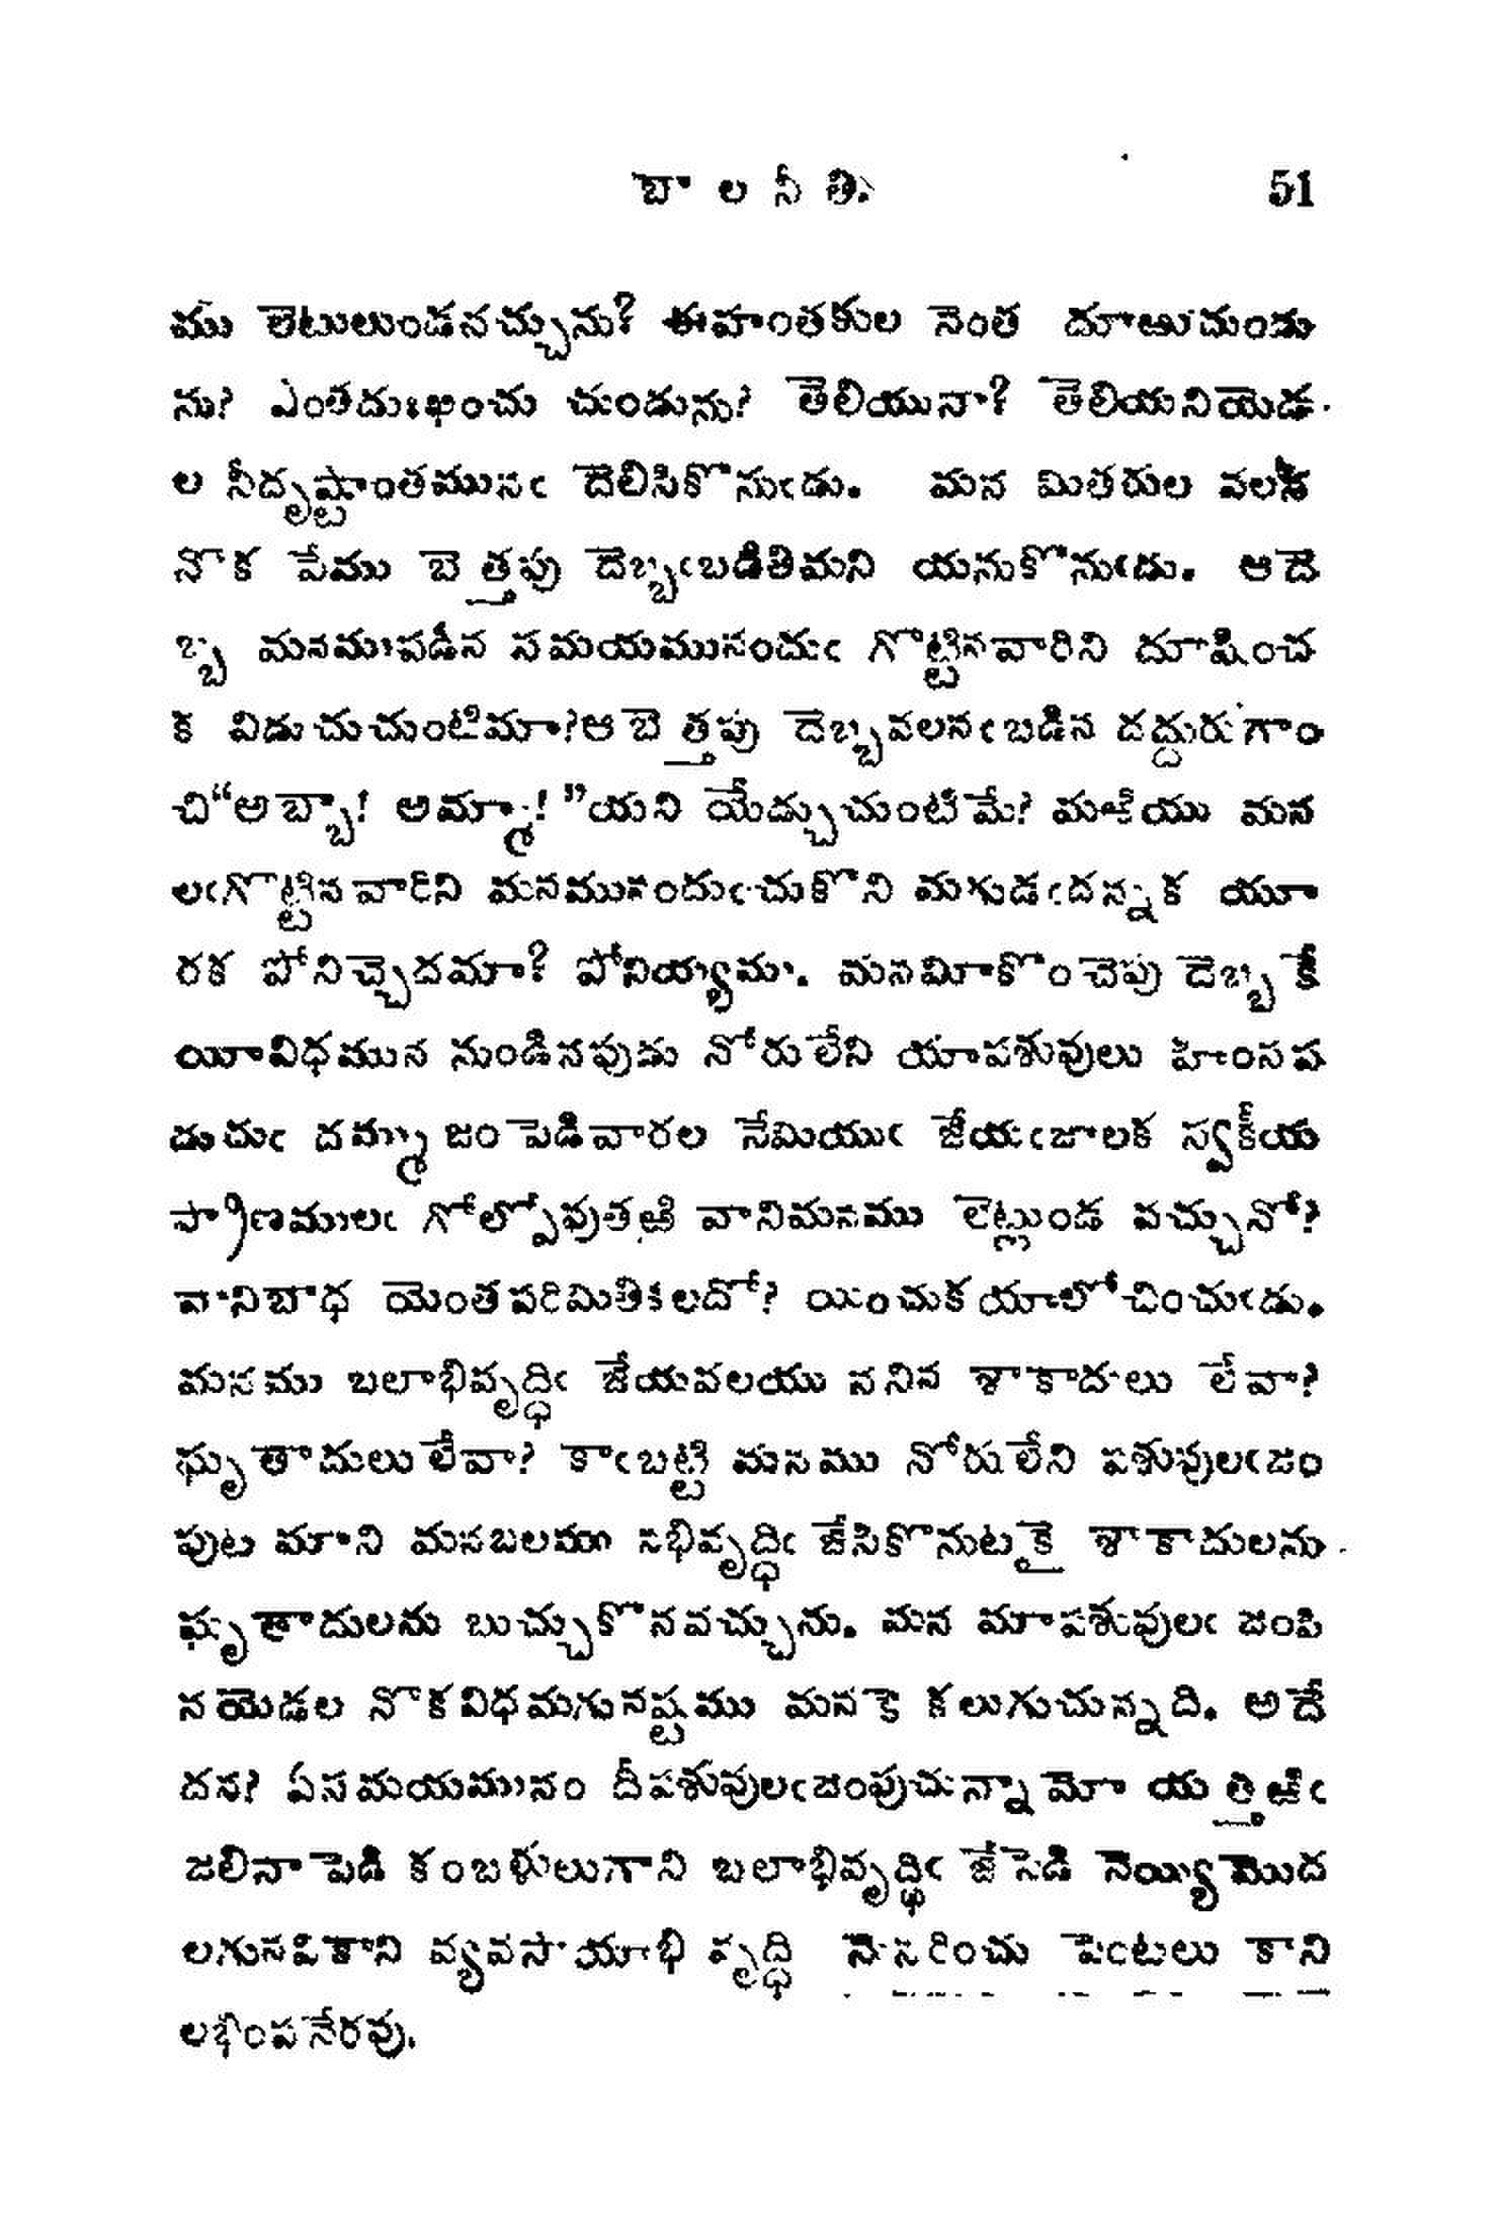ము లెటులుండవచ్చును? ఈహంతకుల నెంత దూఱుచుండు
ను? ఎంతదుఃఖించు చుండును? తెలియునా? తెలియనియెడ
ల నీదృష్టాంతమునఁ దెలిసికొనుఁడు. మన మితరుల వలన 
నొక పేము బెత్తపు దెబ్బెఁబడితిమని యనుకొనుఁడు. ఆదె
బ్బ మనముపడిన సమయమునందుఁ గొట్టినవారిని దూషించ
క విడుచుచుంటిమా? ఆబెత్తపు దెబ్బవలనఁబడిన దద్దురుగాం
చి "అబ్బా! అమ్మా! " యని యేడ్చుచుంటిమే? మఱియు మన
లఁగొట్టినవారిని మనమునందుంచుకొని మగుడఁదన్నక యూ
రక పోనిచ్చెదమా? పోనియ్యము. మనమీకొంచెపు దెబ్బకే 
యీవిధమున నుండినపుడు నోరులేని యాపశువులు హింసప
డుచుఁ దమ్ము జంపెడివారల నేమియుఁ జేయఁజాలక స్వకీయ 
ప్రాణములఁ గోల్పోవుతఱి వానిమనము లెట్లుండ వచ్చునో? 
వానిబాధ యెంతపరిమితికలదో? యించుకయాలోచించుఁడు. 
మనము బలాభివృద్ధిఁ జేయవలయు ననిన శాకాదులు లేవా? 
ఘృతాదులులేవా? కాఁబట్టి మనము నోరులేని పశువులఁజం
పుట మాని మనబలము నభివృద్ధిఁ జేసికొనుటకై శాకాదులను
ఘృతాదులను బుచ్చుకొనవచ్చును. మన మాపశువులఁ జంపి
నయెడల నొకవిధమగునష్టము మనకె కలుగుచున్నది. అదే
దన? ఏసమయమునం దీపశువులఁజంపుచున్నామో యత్తఱిఁ 
జలినాపెడి కంబళులుగాని బలాభివృద్ధిఁ జేసెడి నెయ్యిమొద
లగునవికాని వ్యవసాయాభి వృద్ధి నొనరిచు పెంటలు కాని 
లభింపనేరవు.